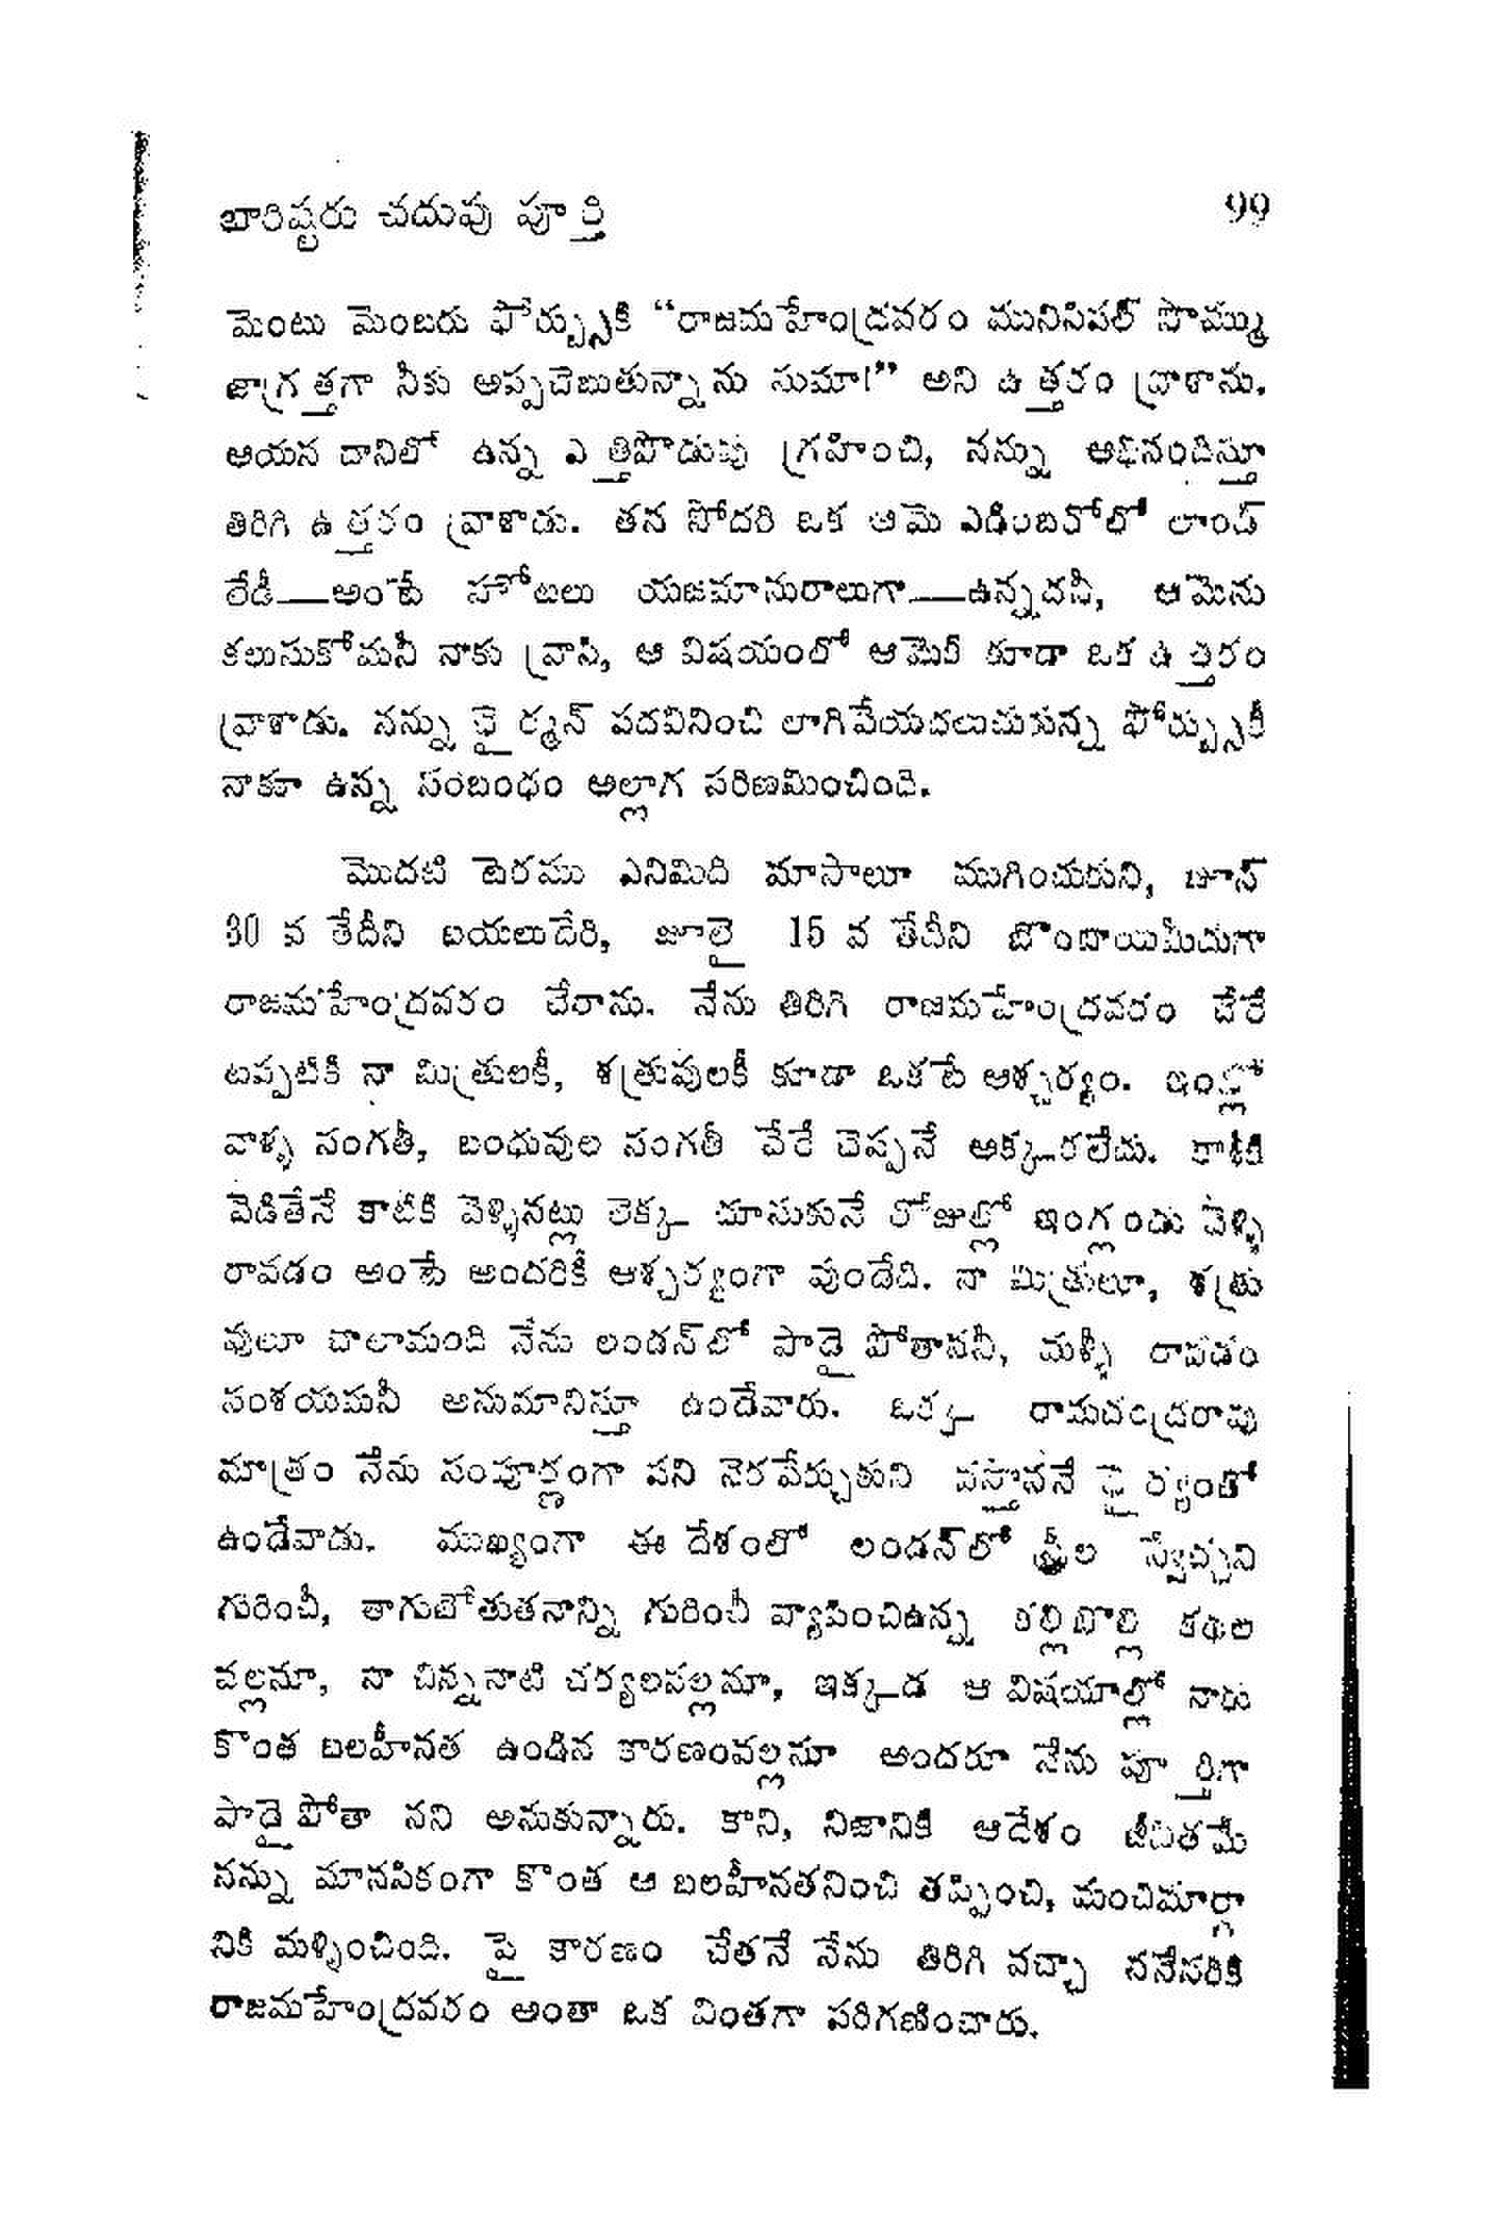మెంటు మెంబరు ఫోర్బ్సుకి "రాజమహేంద్రవరం మునిసిపల్ సొమ్ము జాగ్రత్తగా నీకు అప్పచెబుతున్నాను సుమా!" అని ఉత్తరం వ్రాశాను. ఆయన దానిలో ఉన్న ఎత్తిపొడుపు గ్రహించి, నన్ను అభినందిస్తూ తిరిగి ఉత్తరం వ్రాశాడు. తన సోదరి ఒక ఆమె ఎడింబరోలో లాండ్ లేడీ - అంటే హోటలు యజమానురాలుగా - ఉన్నదనీ, ఆమెను కలుసుకోమనీ నాకు వ్రాసి, ఆ విషయంలో ఆమెకి కూడా ఒక ఉత్తరం వ్రాశాడు. నన్ను ఛైర్మన్ పదవినించి లాగివేయదలుచుకున్న ఫోర్బ్సుకీ నాకూ ఉన్న సంబంధం అల్లాగ పరిణమించింది.

మొదటి టెరము ఎనిమిది మాసాలూ ముగించుకుని, జూన్ 30 వ తేదీని బయలుదేరి, జూలై 15 వ తేదీని బొంబాయిమీదుగా రాజమహేంద్రవరం చేరాను. నేను తిరిగి రాజమహేంద్రవరం చేరేటప్పటికి నా మిత్రులకీ, శత్రువులకీ కూడా ఒకటే ఆశ్చర్యం. ఇంట్లో వాళ్ళ సంగతీ, బంధువుల సంగతీ వేరే చెప్పనే అక్కరలేదు. కాశీకి వెడితేనే కాటికి వెళ్ళినట్లు లెక్క చూసుకునే రోజుల్లో ఇంగ్లండు వెళ్ళి రావడం అంటే అందరికీ ఆశ్చర్యంగా వుండేది. నా మిత్రులూ, శత్రువులూ చాలామంది నేను లండన్‌లో పాడై పోతాననీ, మళ్ళీ రావడం సంశయమనీ అనుమానిస్తూ ఉండేవారు. ఒక్క రామచంద్రరావు మాత్రం నేను సంపూర్ణంగా పని నెరవేర్చుకుని వస్తాననే ధైర్యంతో ఉండేవాడు. ముఖ్యంగా ఈ దేశంలో లండన్‌లో స్త్రీల స్వేచ్చని గురించీ, తాగుబోతుతనాన్ని గురించీ వ్యాపించిఉన్న కల్లిబొల్లి కథల వల్లనూ, నా చిన్ననాటి చర్యలవల్లనూ, ఇక్కడ ఆ విషయాల్లో నాకు కొంత బలహీనత ఉండిన కారణంవల్లనూ అందరూ నేను పూర్తిగా పాడై పోతా నని అనుకున్నారు. కాని, నిజానికి ఆదేశం జీవితమే నన్ను మానసికంగా కొంత ఆ బలహీనతనించి తప్పించి, మంచిమార్గానికి మళ్ళించింది. పై కారణం చేతనే నేను తిరిగి వచ్చా ననేసరికి రాజమహేంద్రవరం అంతా ఒక వింతగా పరిగణించారు.